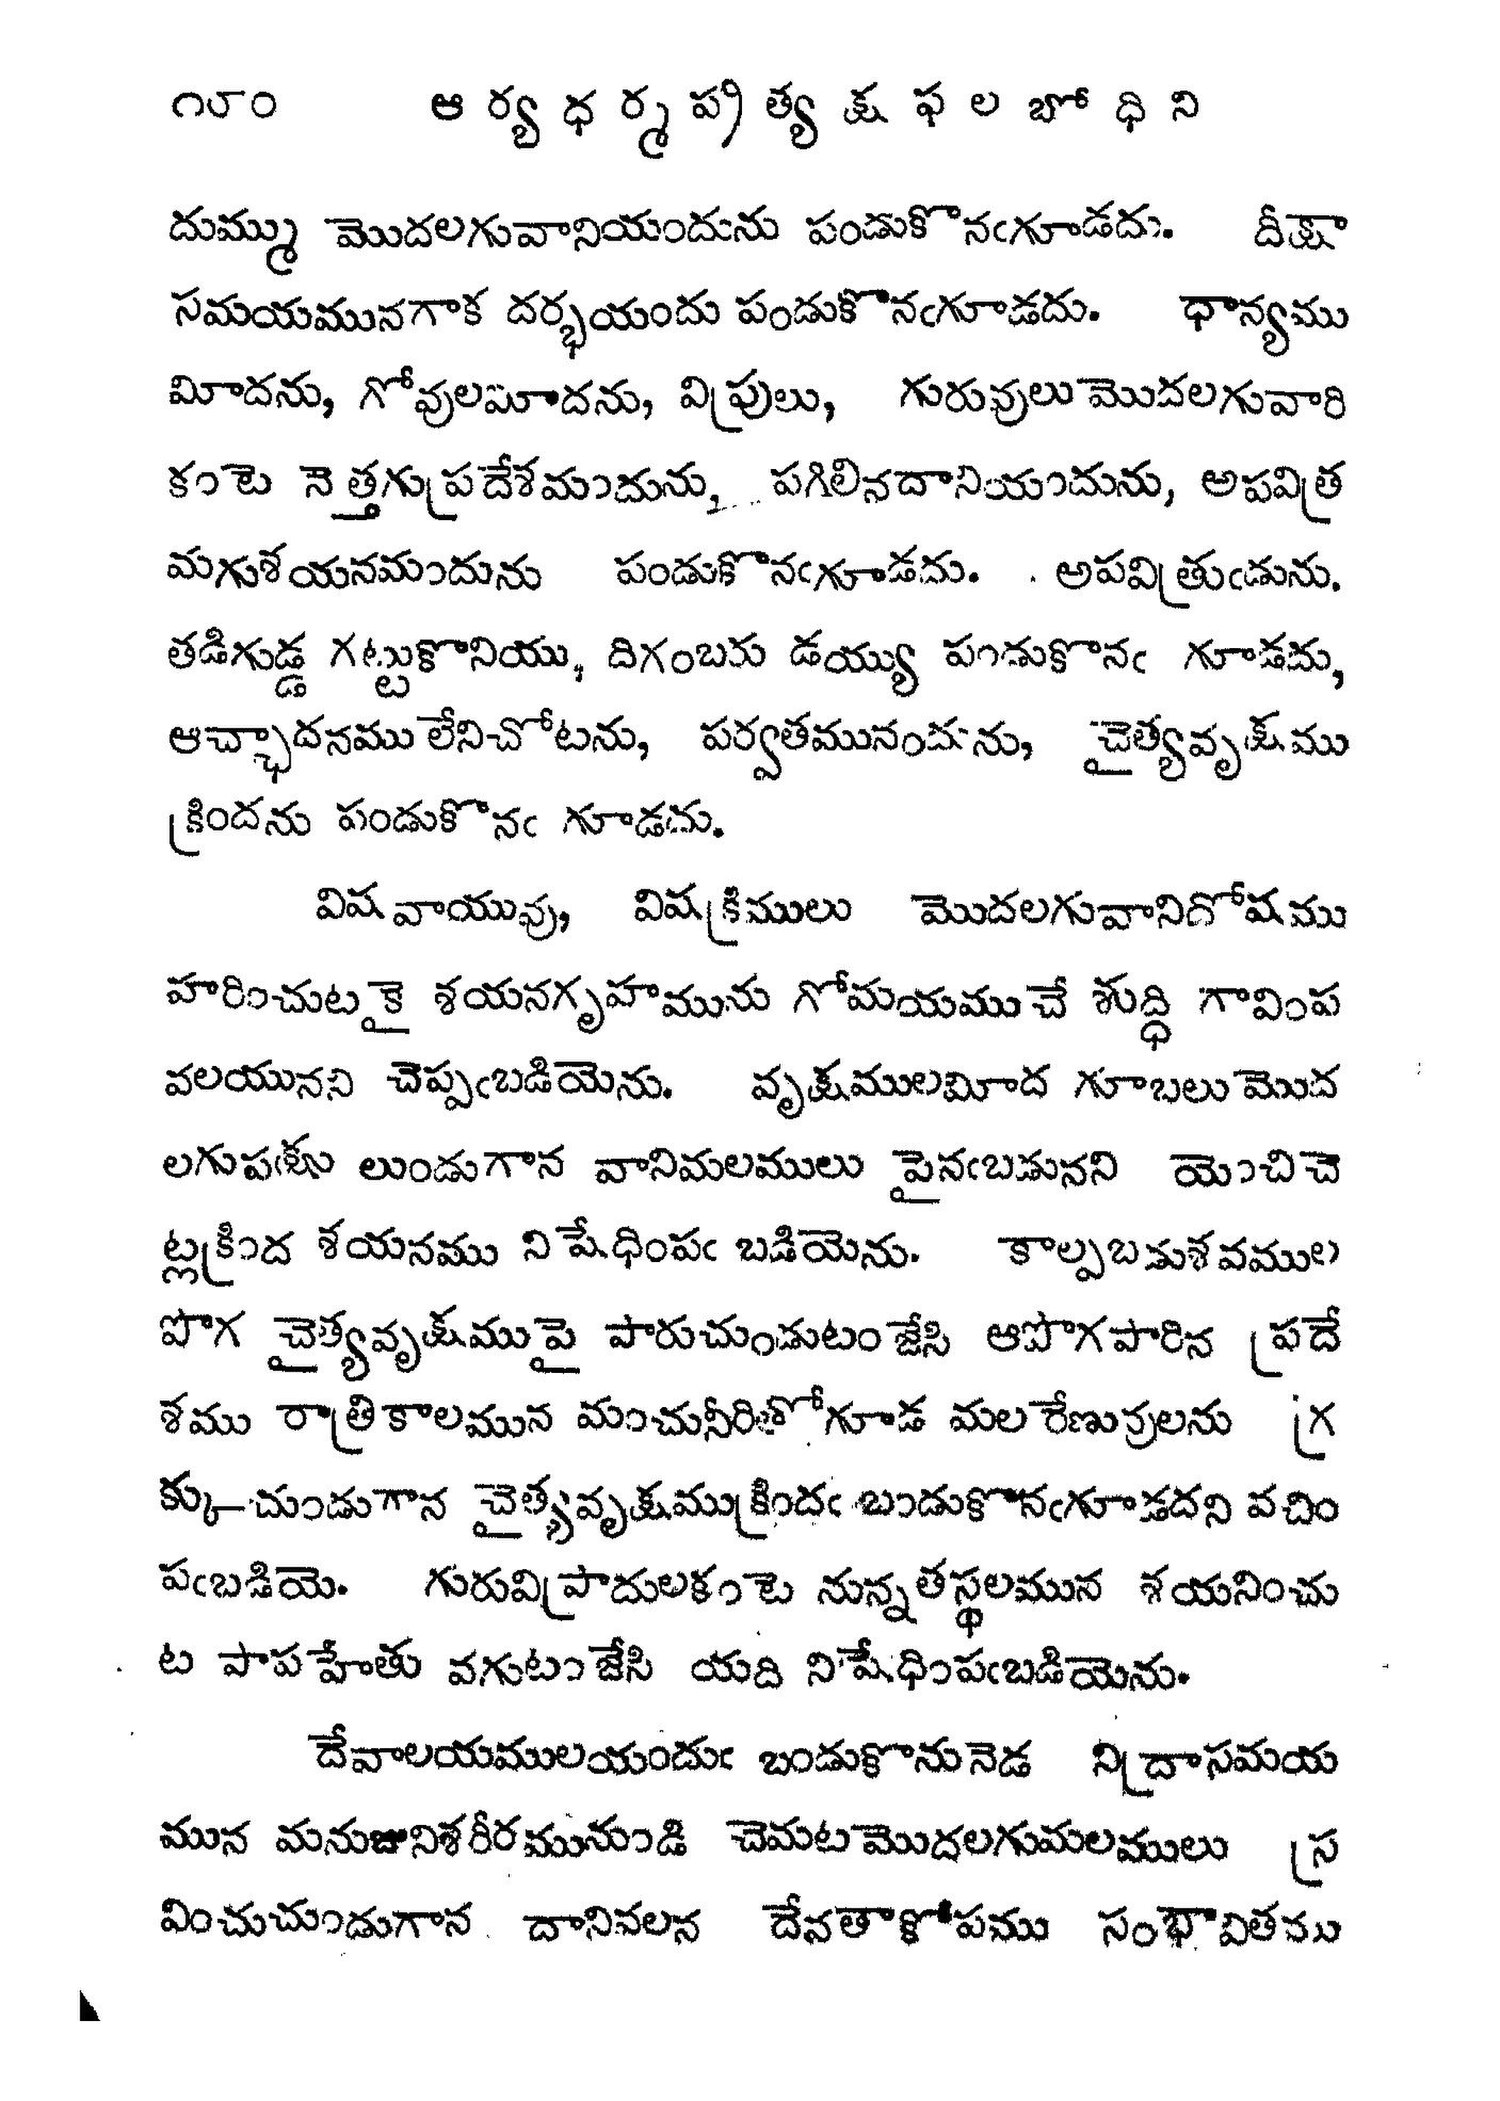దుమ్ము మొదలగువానియందును పండుకొనఁగూడదు. దీక్షాసమయమునగాక దర్భయందు పండుకొనఁగూడదు. ధాన్యము మీదను, గోవులమీదను, విప్రులు, గురువులుమొదలగువారి కంటె నెత్తగుప్రదేశమందును, పగిలినదానియందును, అపవిత్రమగుశయనమందును పండుకొనఁగూడదు. అపవిత్రుఁడును, తడిగుడ్డ గట్టుకొనియు, దిగంబరు డయ్యు పండుకొనఁ గూడదు, ఆచ్ఛాదనములేనిచోటను, పర్వతమునందును, చైత్యవృక్షము క్రిందను పండుకొనఁ గూడదు.

విషవాయువు, విషక్రిములు మొదలగువానిదోషము హరించుటకై శయనగృహమును గోమయముచే శుద్ధి గావింప వలయునని చెప్పఁబడియెను. వృక్షములమీద గూబలుమొదలగుపక్షు లుండుగాన వానిమలములు పైనఁబడునని యెంచిచెట్లక్రింద శయనము నిషేధింపఁ బడియెను. కాల్పబడుశవముల పొగ చైత్యవృక్షముపై పారుచుండుటంజేసి ఆపొగపారిన ప్రదేశము రాత్రికాలమున మంచునీరితోగూడ మలరేణువులను గ్రక్కుచుండుగాన చైత్యవృక్షముక్రిందఁ బండుకొనఁగూడదని వచింపఁబడియె. గురువిప్రాదులకంటె నున్నతస్థలమున శయనించుట పాపహేతు వగుటంజేసి యది నిషేధింపఁబడియెను.

దేవాలయములయందుఁ బండుకొనునెడ నిద్రాసమయమున మనుజునిశరీరమునుండి చెమటమొదలగు మలములు స్రవించుచుండుగాన దానివలన దేవతాకోపము సంభావితము